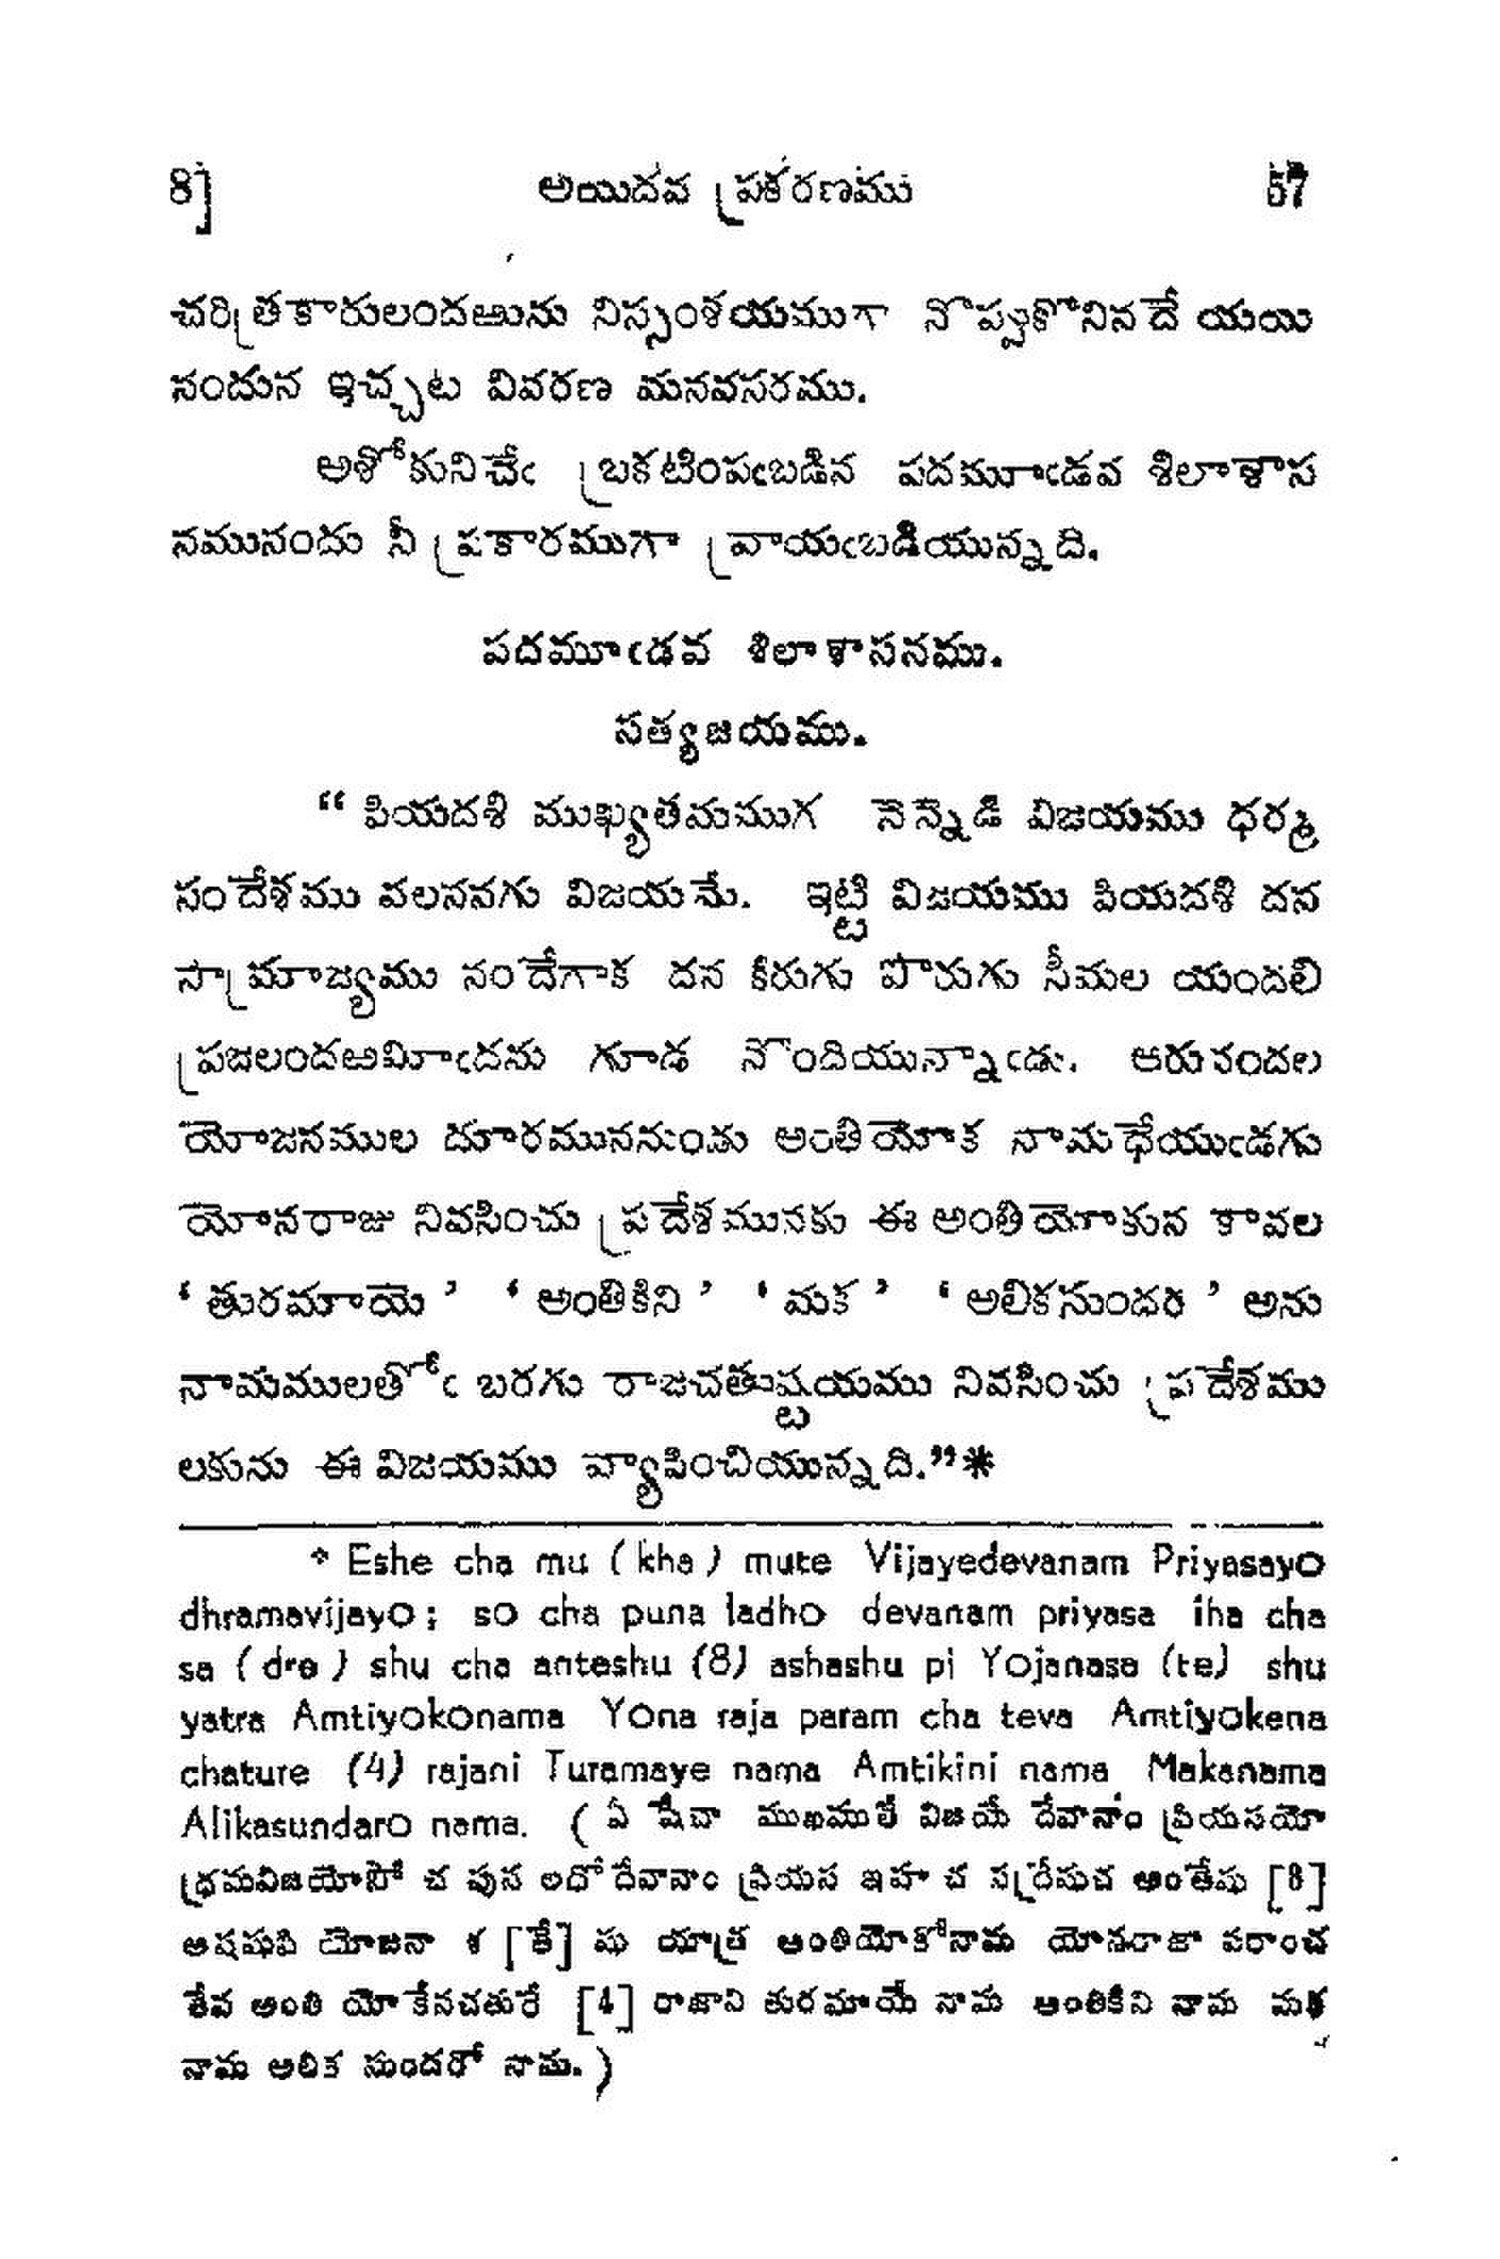చరిత్రకారులందఱును నిస్సంశయముగా నొప్పుకొనినదే యయిసందున ఇచ్చట వివరణ మనవసరము. 

అశోకునిచేఁ బ్రకటింపఁబడిన పదమూఁడవ శిలాశాసనమునందు నీ ప్రకారముగా వాయఁబడియున్నది.

పదమూఁడవ శిలాశాసనము.
సత్యజయము. 

"పియదశి ముఖ్యతమముగ నెన్నెడి విజయము ధర్మ సందేశము వలననగు విజయమే. ఇట్టి విజయము పియదశి దన సామ్రాజ్యము నందేగాక దన కిరుగు పొరుగు సీమల యందలి ప్రజలందఱమీఁదను గూడ నొందియున్నాఁడు. ఆరువందల యోజనముల దూరముననుండు అంతియోక నామధేయుఁడగు యోనరాజు నివసించు ప్రదేశమునకు ఈ అంతియోకున కావల 'తురమాయె' 'అంతికిని' 'మక' 'అలికనుందర” అను నామములతోఁ బరగు రాజచతుష్టయము నివసించు ప్రదేశములకును ఈ విజయము వ్యాపించియున్నది."